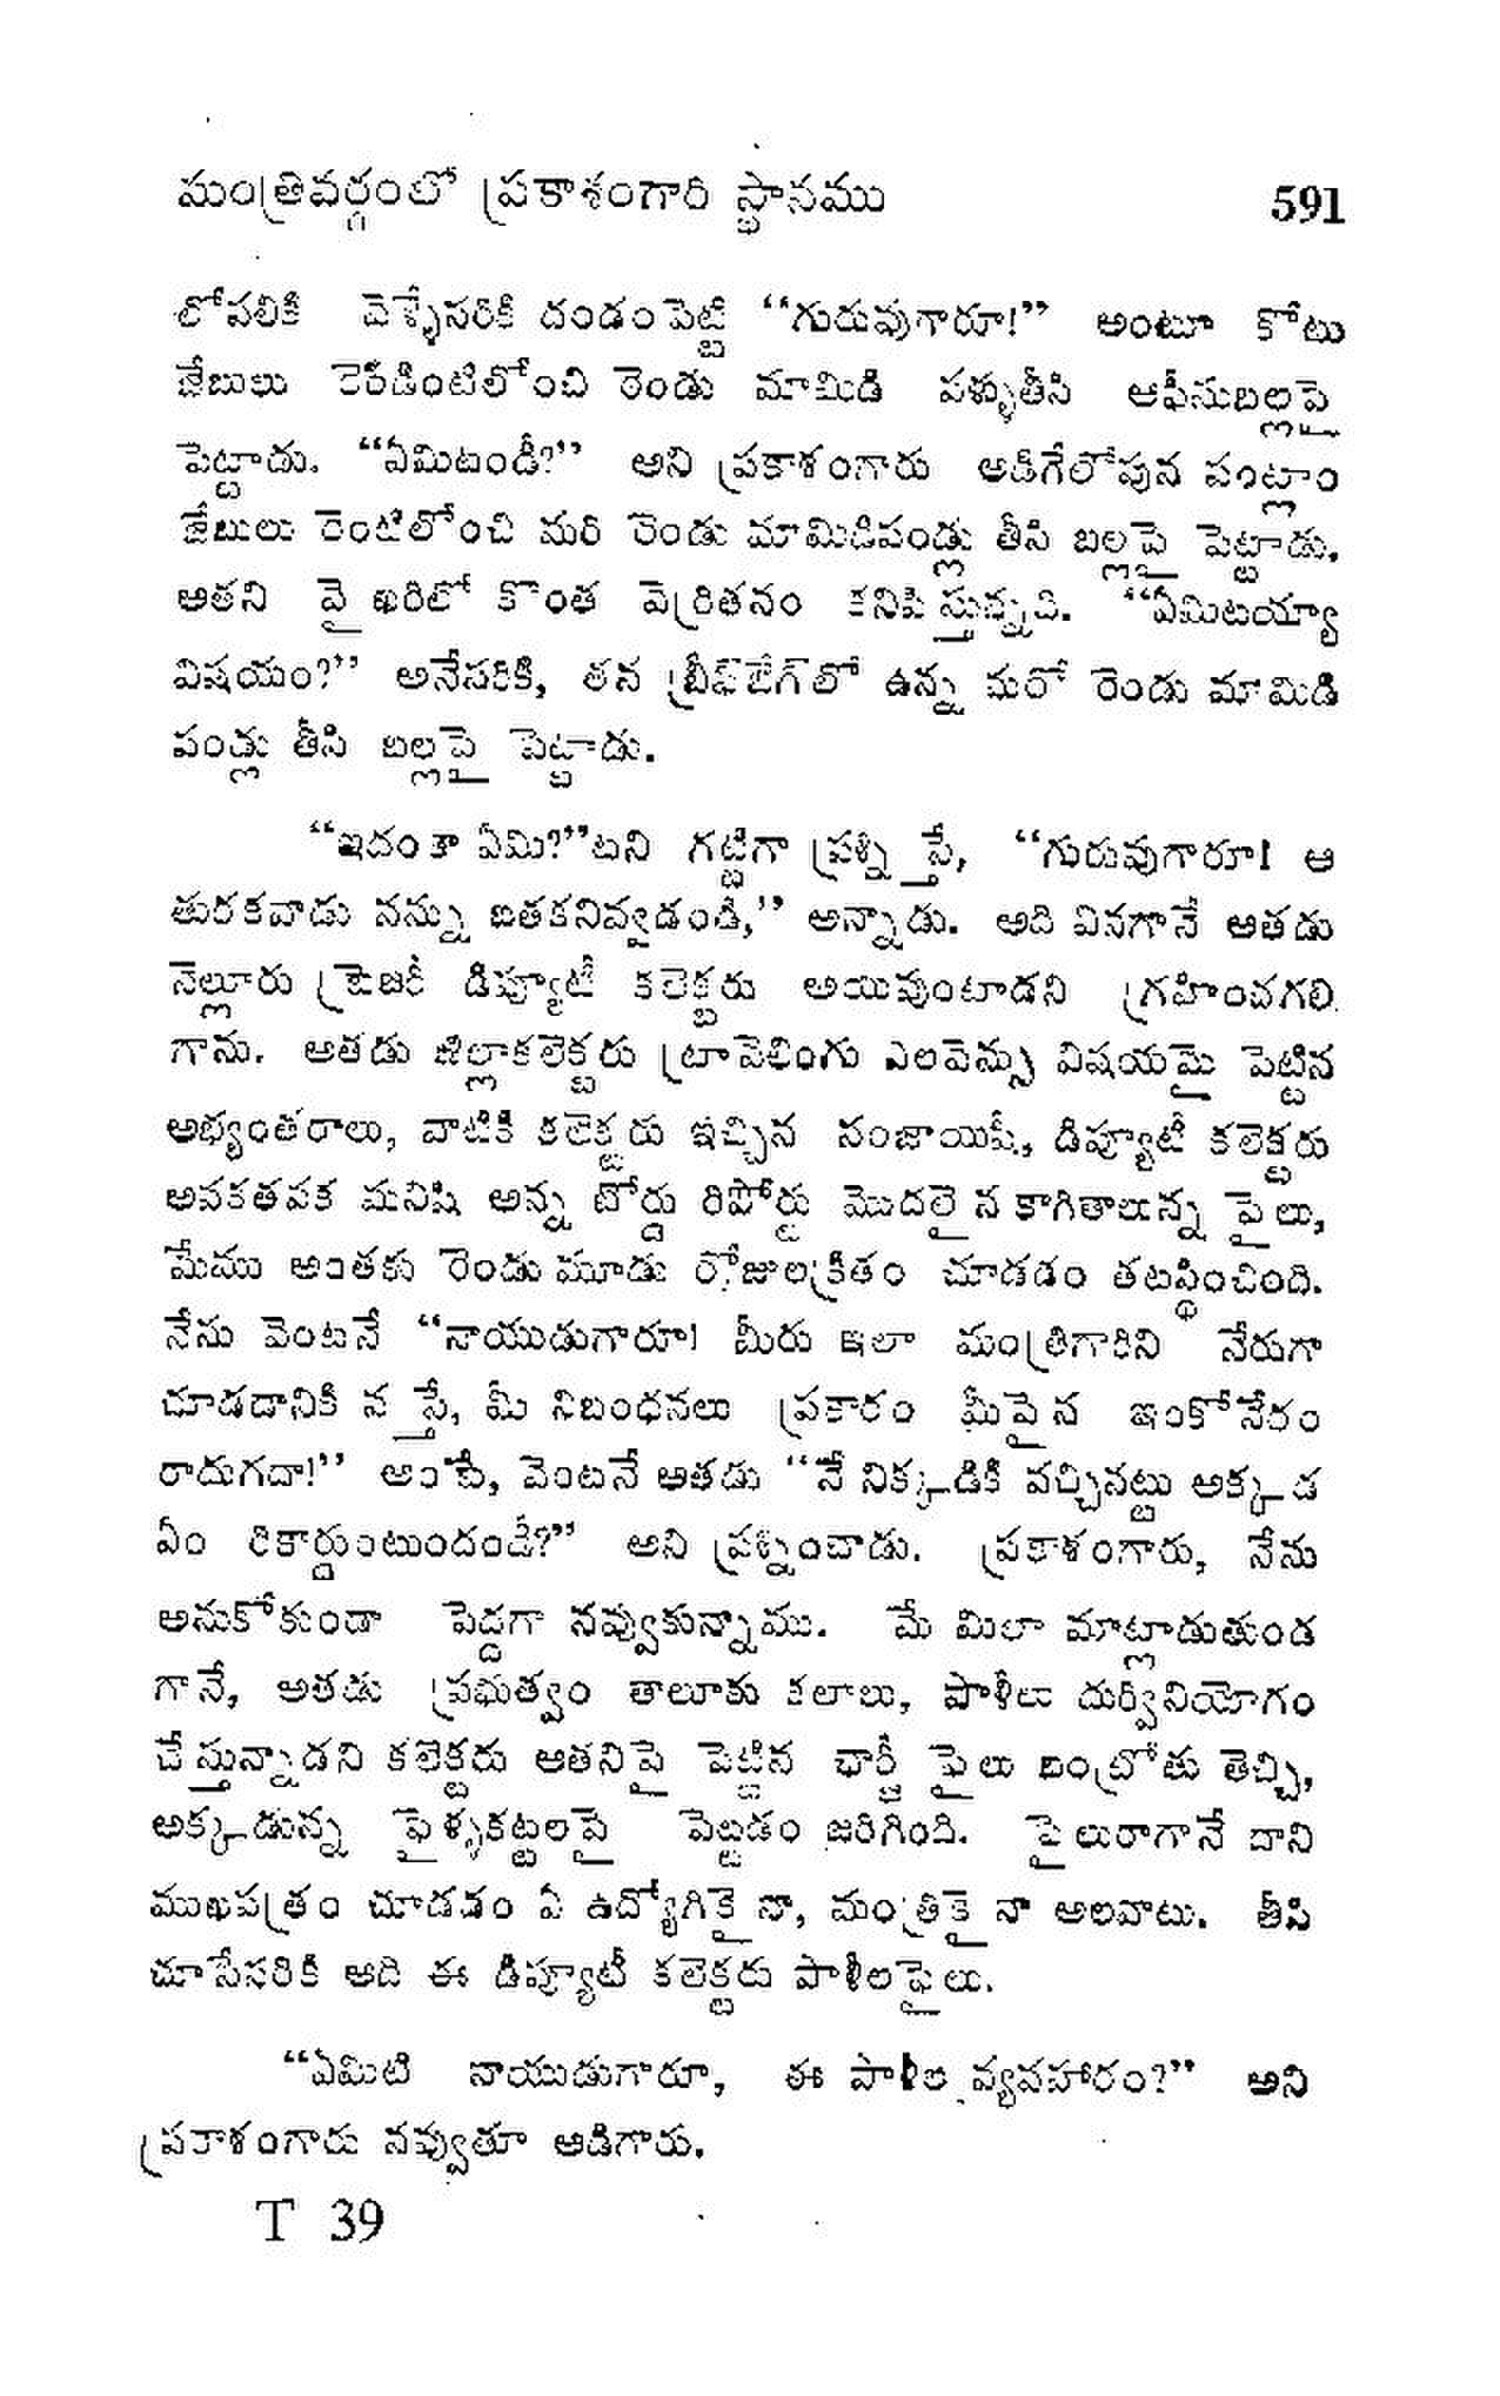లోపలికి వెళ్ళేసరికి దండం పెట్టి "గురువుగారూ!" అంటూ కోటు జేబులు రెండింటిలోంచి రెండు మామిడి పళ్ళుతీసి ఆఫీసుబల్లపై పెట్టాడు. "ఏమిటండీ?" అని ప్రకాశంగారు అడిగేలోపున పంట్లాం జేబులు రెంటిలోంచి మరి రెండు మామిడిపండ్లు తీసి బల్లపై పెట్టాడు. అతని వైఖరిలో కొంత వెర్రితనం కనిపిస్తున్నది. "ఏమిటయ్యా విషయం?" అనేసరికి, తన బ్రీప్‌బేగ్‌లో ఉన్న మరో రెండు మామిడి పండ్లు తీసి బల్లపై పెట్టాడు.

"ఇదంతా ఏమి?"టని గట్టిగా ప్రశ్నిస్తే, "గురువుగారూ! ఆ తురకవాడు నన్ను బతక నివ్వడండి," అన్నాడు. అది వినగానే అతడు నెల్లూరు ట్రెజరీ డిప్యూటీ కలెక్టరు అయివుంటాడని గ్రహించ గలిగాను. అతడు జిల్లాకలెక్టరు ట్రావెలింగు ఎలవెన్సు విషయమై పెట్టిన అభ్యంతరాలు, వాటికి కలెక్టరు ఇచ్చిన సంజాయిషీ, డిప్యూటీ కలెక్టరు అవకతవక మనిషి అన్న బోర్డు రిపోర్టు మొదలైన కాగితాలున్న పైలు, మేము అంతకు రెండు మూడు రోజులక్రితం చూడడం తటస్థించింది. నేను వెంటనే "నాయుడుగారూ! మీరు ఇలా మంత్రిగారిని నేరుగా చూడడానికి వస్తే, మీ నిబంధనలు ప్రకారం మీపైన ఇంకోనేరం రాదుగదా!' అంటే, వెంటనే అతడు "నే నిక్కడికి వచ్చినట్టు అక్కడ ఏం రికార్డుంటుందండీ?" అని ప్రశ్నించాడు. ప్రకాశంగారు, నేను అనుకోకుండా పెద్దగా నవ్వుకున్నాము. మే మిలా మాట్లాడుతుండగానే, అతడు ప్రభుత్వం తాలూకు కలాలు, పాళీలు దుర్వినియోగం చేస్తున్నాడని కలెక్టరు అతనిపై పెట్టిన ఛార్జీ ఫైలు బంట్రోతు తెచ్చి, అక్కడున్న ఫైళ్ళకట్టలపై పెట్టడం జరిగింది. ఫైలురాగానే దాని ముఖపత్రం చూడడం ఏ ఉద్యోగికైనా, మంత్రికైనా అలవాటు. తీసి చూసేసరికి అది ఈ డిప్యూటీ కలెక్టరు పాళీలఫైలు.

"ఏమిటి నాయుడుగారూ, ఈ పాళీల వ్యవహారం?" అని ప్రకాశంగారు నవ్వుతూ అడిగారు.